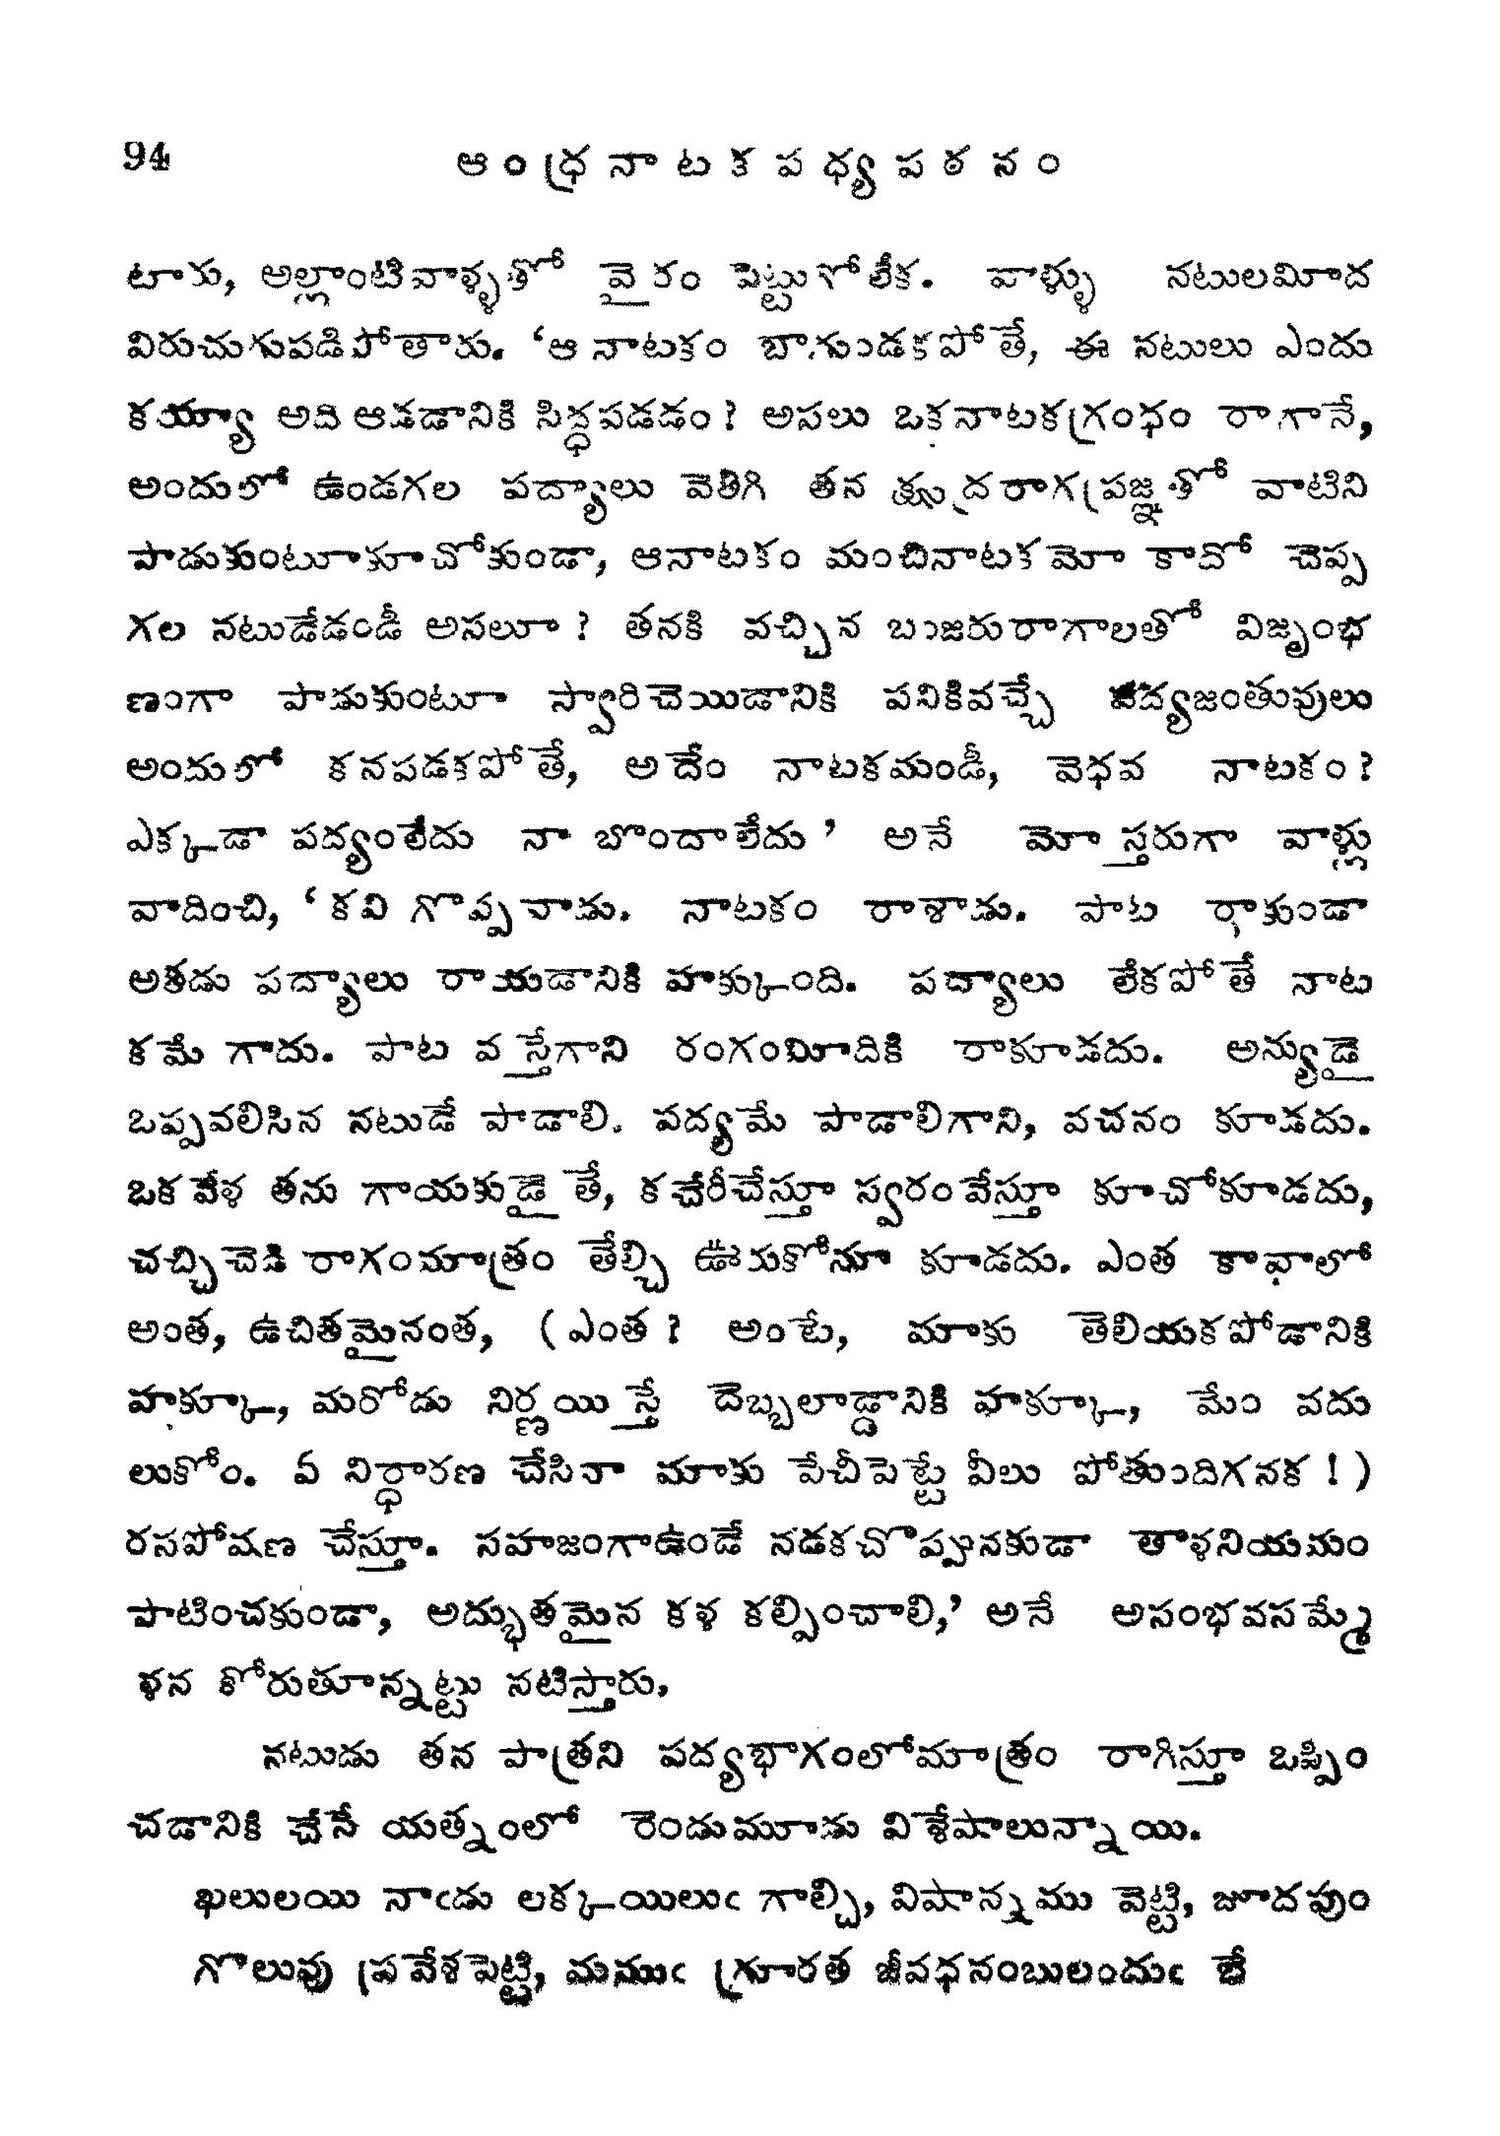టారు, అల్లాంటివాళ్ళతో వైరం పెట్టుగోలేక. వాళ్ళు నటులమీద
విరుచుగుపడిపోతారు. 'ఆ నాటకం బాగుండకపోతే, ఈ నటులు ఎందు
కయ్యా అది ఆడడానికి సిద్ధపడడం? అసలు ఒకనాటకగ్రంధం రాగానే,
అందులో ఉండగల పద్యాలు వెతిగి తన క్షుద్రరాగప్రజ్ఞతో వాటిని
పాడుకుంటూకూచోకుండా, ఆనాటకం మంచినాటకమో కాదో చెప్ప
గల నటుడేడండీ అసలూ ? తనకి వచ్చిన బంజరురాగాలతో విజృంభ
ణంగా పాడుకుంటూ స్వారిచెయిడానికి పనికివచ్చే పద్యజంతువులు
అందులో కనపడకపోతే, అదేం నాటకమండీ, వెధవ నాటకం ?
ఎక్కడా పద్యంలేదు నా బొందాలేదు' అనే మోస్తరుగా వాళ్లు
వాదించి, 'కవి గొప్పవాడు. నాటకం రాశాడు. పాట రాకుండా
అతడు పద్యాలు రాయడానికి హక్కుంది. పద్యాలు లేకపోతే నాట
కమే గాదు. పాట వస్తేగాని రంగంమీదికి రాకూడదు. అన్యుడై
ఒప్పవలిసిన నటుడే పాడాలి. పద్యమే పాడాలిగాని, వచనం కూడదు.
ఒక వేళ తను గాయకుడైతే, కచేరీచేస్తూ స్వరంవేస్తూ కూచోకూడదు,
చచ్చి చెడి రాగంమాత్రం తేల్చి ఊరుకోనూ కూడదు. ఎంత కావాలో
అంత, ఉచితమైనంత, (ఎంత ? అంటే, మాకు తెలియకపోడానికి
హక్కూ, మరోడు నిర్ణయిస్తే దెబ్బలాడ్డానికి హక్కూ, మేం వదు
లుకోం. ఏ నిర్ధారణ చేసినా మాకు పేచీపెట్టే వీలు పోతుందిగనక !)
రసపోషణ చేస్తూ. సహజంగాఉండే నడకచొప్పునకుడా తాళనియమం
పాటించకుండా, అద్భుతమైన కళ కల్పించాలి,' అనే అసంభవసమ్మే
ళన కోరుతూన్నట్టు నటిస్తారు.

నటుడు తన పాత్రని పద్యభాగంలోమాత్రం రాగిస్తూ ఒప్పిం
చడానికి చేసే యత్నంలో రెండుమూడు విశేషాలున్నాయి.

ఖలులయి నాఁడు లక్కయిలుఁ గాల్చి, విషాన్నము వెట్టి, జూదపుం
గొలువు ప్రవేశపెట్టి, మముఁ గ్రూరత జీవధనంబులందుఁ బే